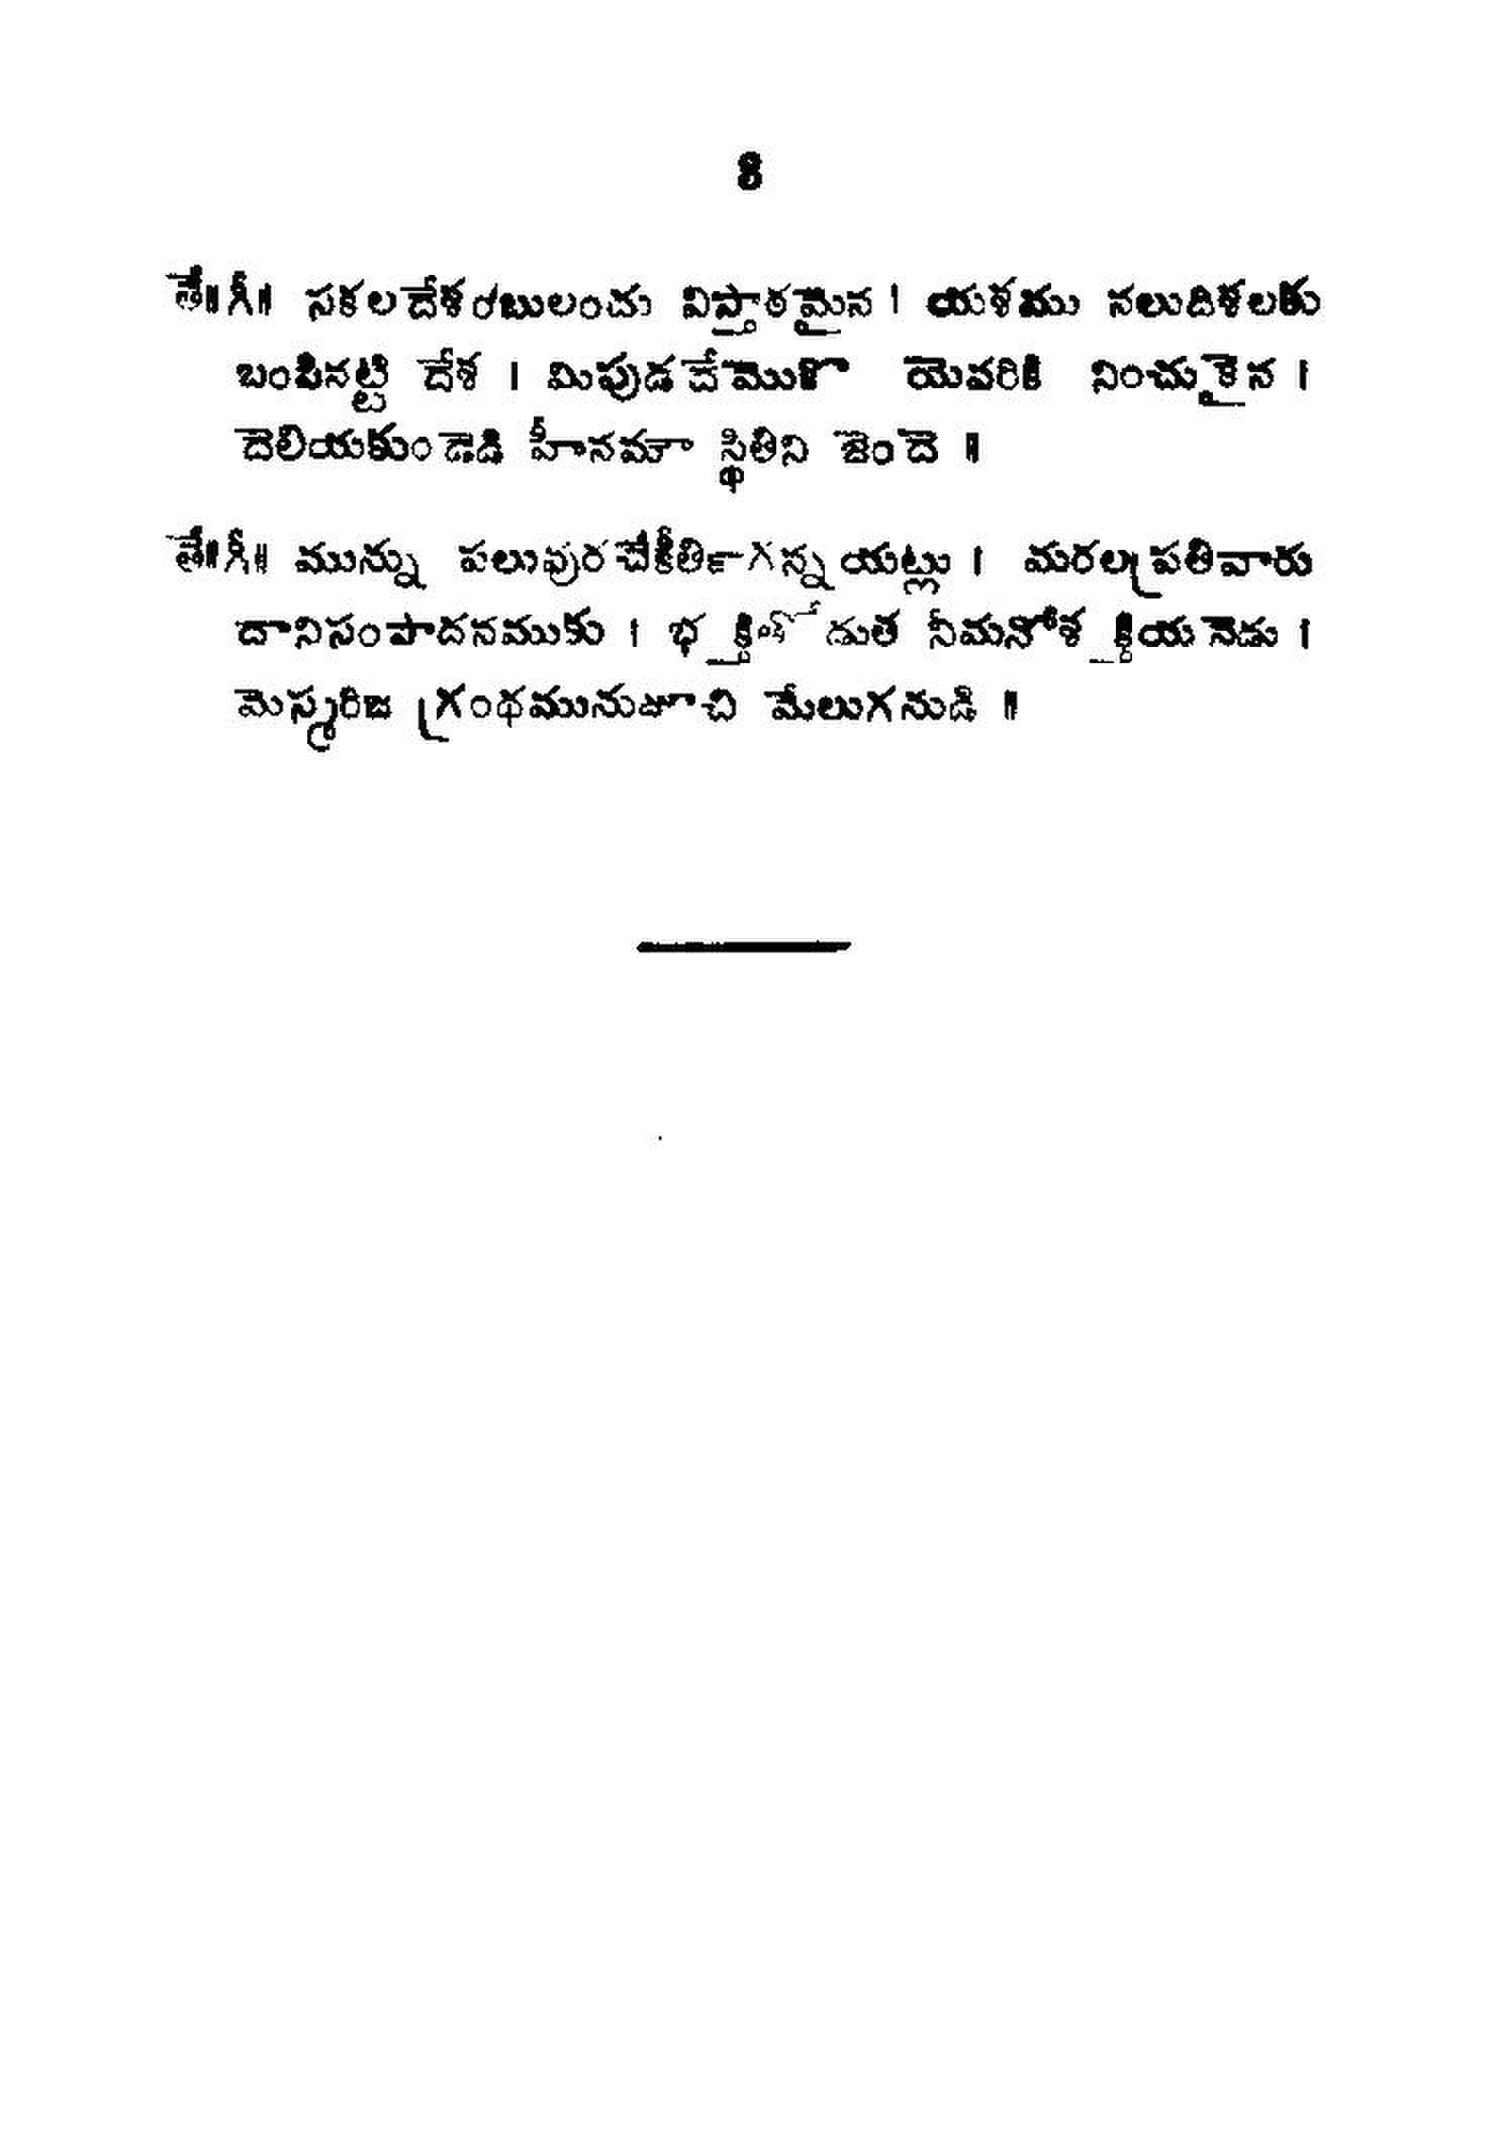తే. గీ. సకలదేశంబులందు విస్తారమైన! 
 యశము నలుదిశలకు బంపినట్టి దేశ ! 
 మిపుడదేమొకొ యెవరికి నించుకైన !
 దెలియకుండెడి హీనమౌ స్థితిని జెందె !!

తే. గీ. మున్ను పలువురచేకీతిన్ గన్నయట్లు! 
 మరలప్రతివారు దానిసంపాదనముకు! 
 భక్తితోడుత నీమనోశక్తియనెడు!
 మెస్మరిజ గ్రంథమునుజూచి మేలుగనుడి !!

__________